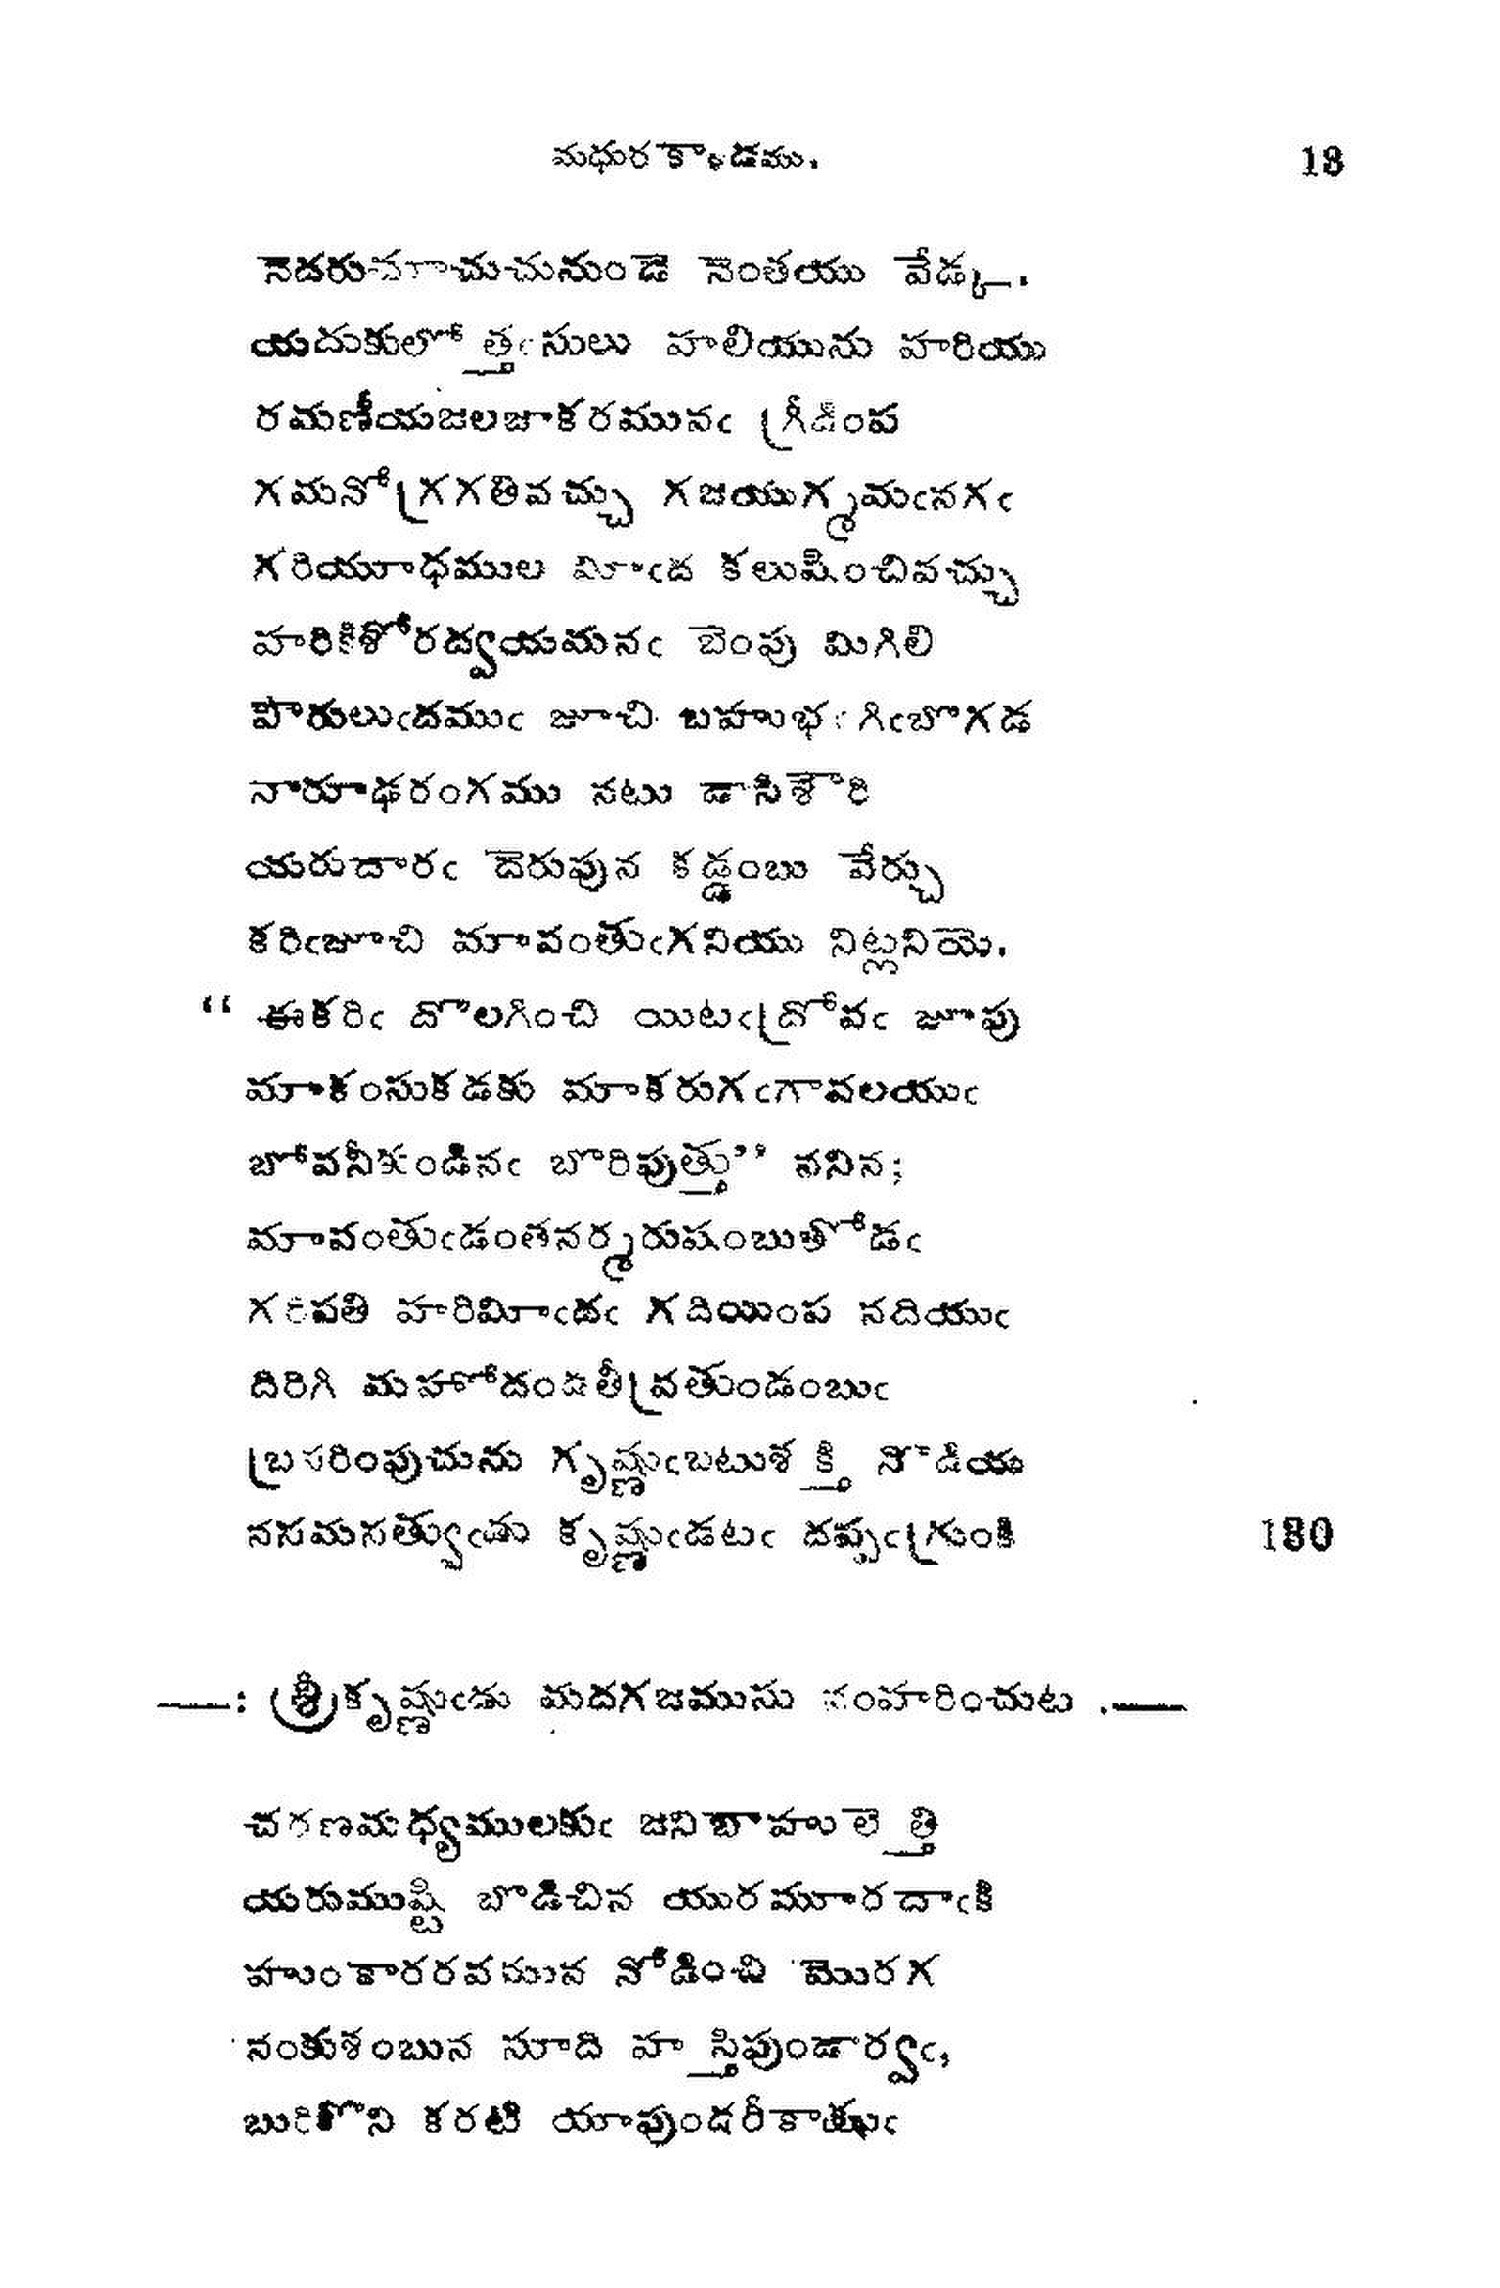నెదరుచూచుచునుండె నెంతయు వేడ్క.
యదుకులోత్తంసులు హలియును హరియు
రమణీయజలజాకరమునఁ గ్రీడింప
గమనోగ్రగతివచ్చు గజయుగ్మ మఁనగఁ
గరియూధములమీఁద కలుషించివచ్చు
హరిశోరద్వయమనఁ బెంపు మిగిలి
పౌరులుఁ దముఁ జూచి బహుభంగిఁ బొగడ
నారూఢరంగము నటు డాసి శౌరి
యరుదారఁ దెరుపున కడ్డంబు వేర్చు
కరిఁ జూచి మావంతుఁ గనియు నిట్లనియె.
“ఈకరిఁ దొలగించి యిటఁద్రోవఁ జూపు
మాకంసుకడకు మాకరుగఁగావలయుఁ
బోవనీకుండినఁ బొరిపుత్తు" ననిన;
మావంతుఁడంత నర్మరుషంబుతోడఁ
గరిపతి హరిమీఁదఁ గదియింప నదియుఁ
దిరిగి మహోదండతీవ్రతుండంబుఁ
బ్రసరింపుచును గృష్ణుఁ బటుశక్తి నొడియ
నసమసత్వుఁడు కృష్ణుఁ డటఁ దప్పఁగ్రుంకి

చరణమధ్యములకుఁ జని బాహు లెత్తి
యరుముష్టి బొడిచిన యురమూరదాఁకి
హుంకారరవమున నోడించి మొరగ
నంకుశంబున సూది హస్తిపుం డార్వఁ,
బురికొని కరటి యపుండరీకాక్షుఁ